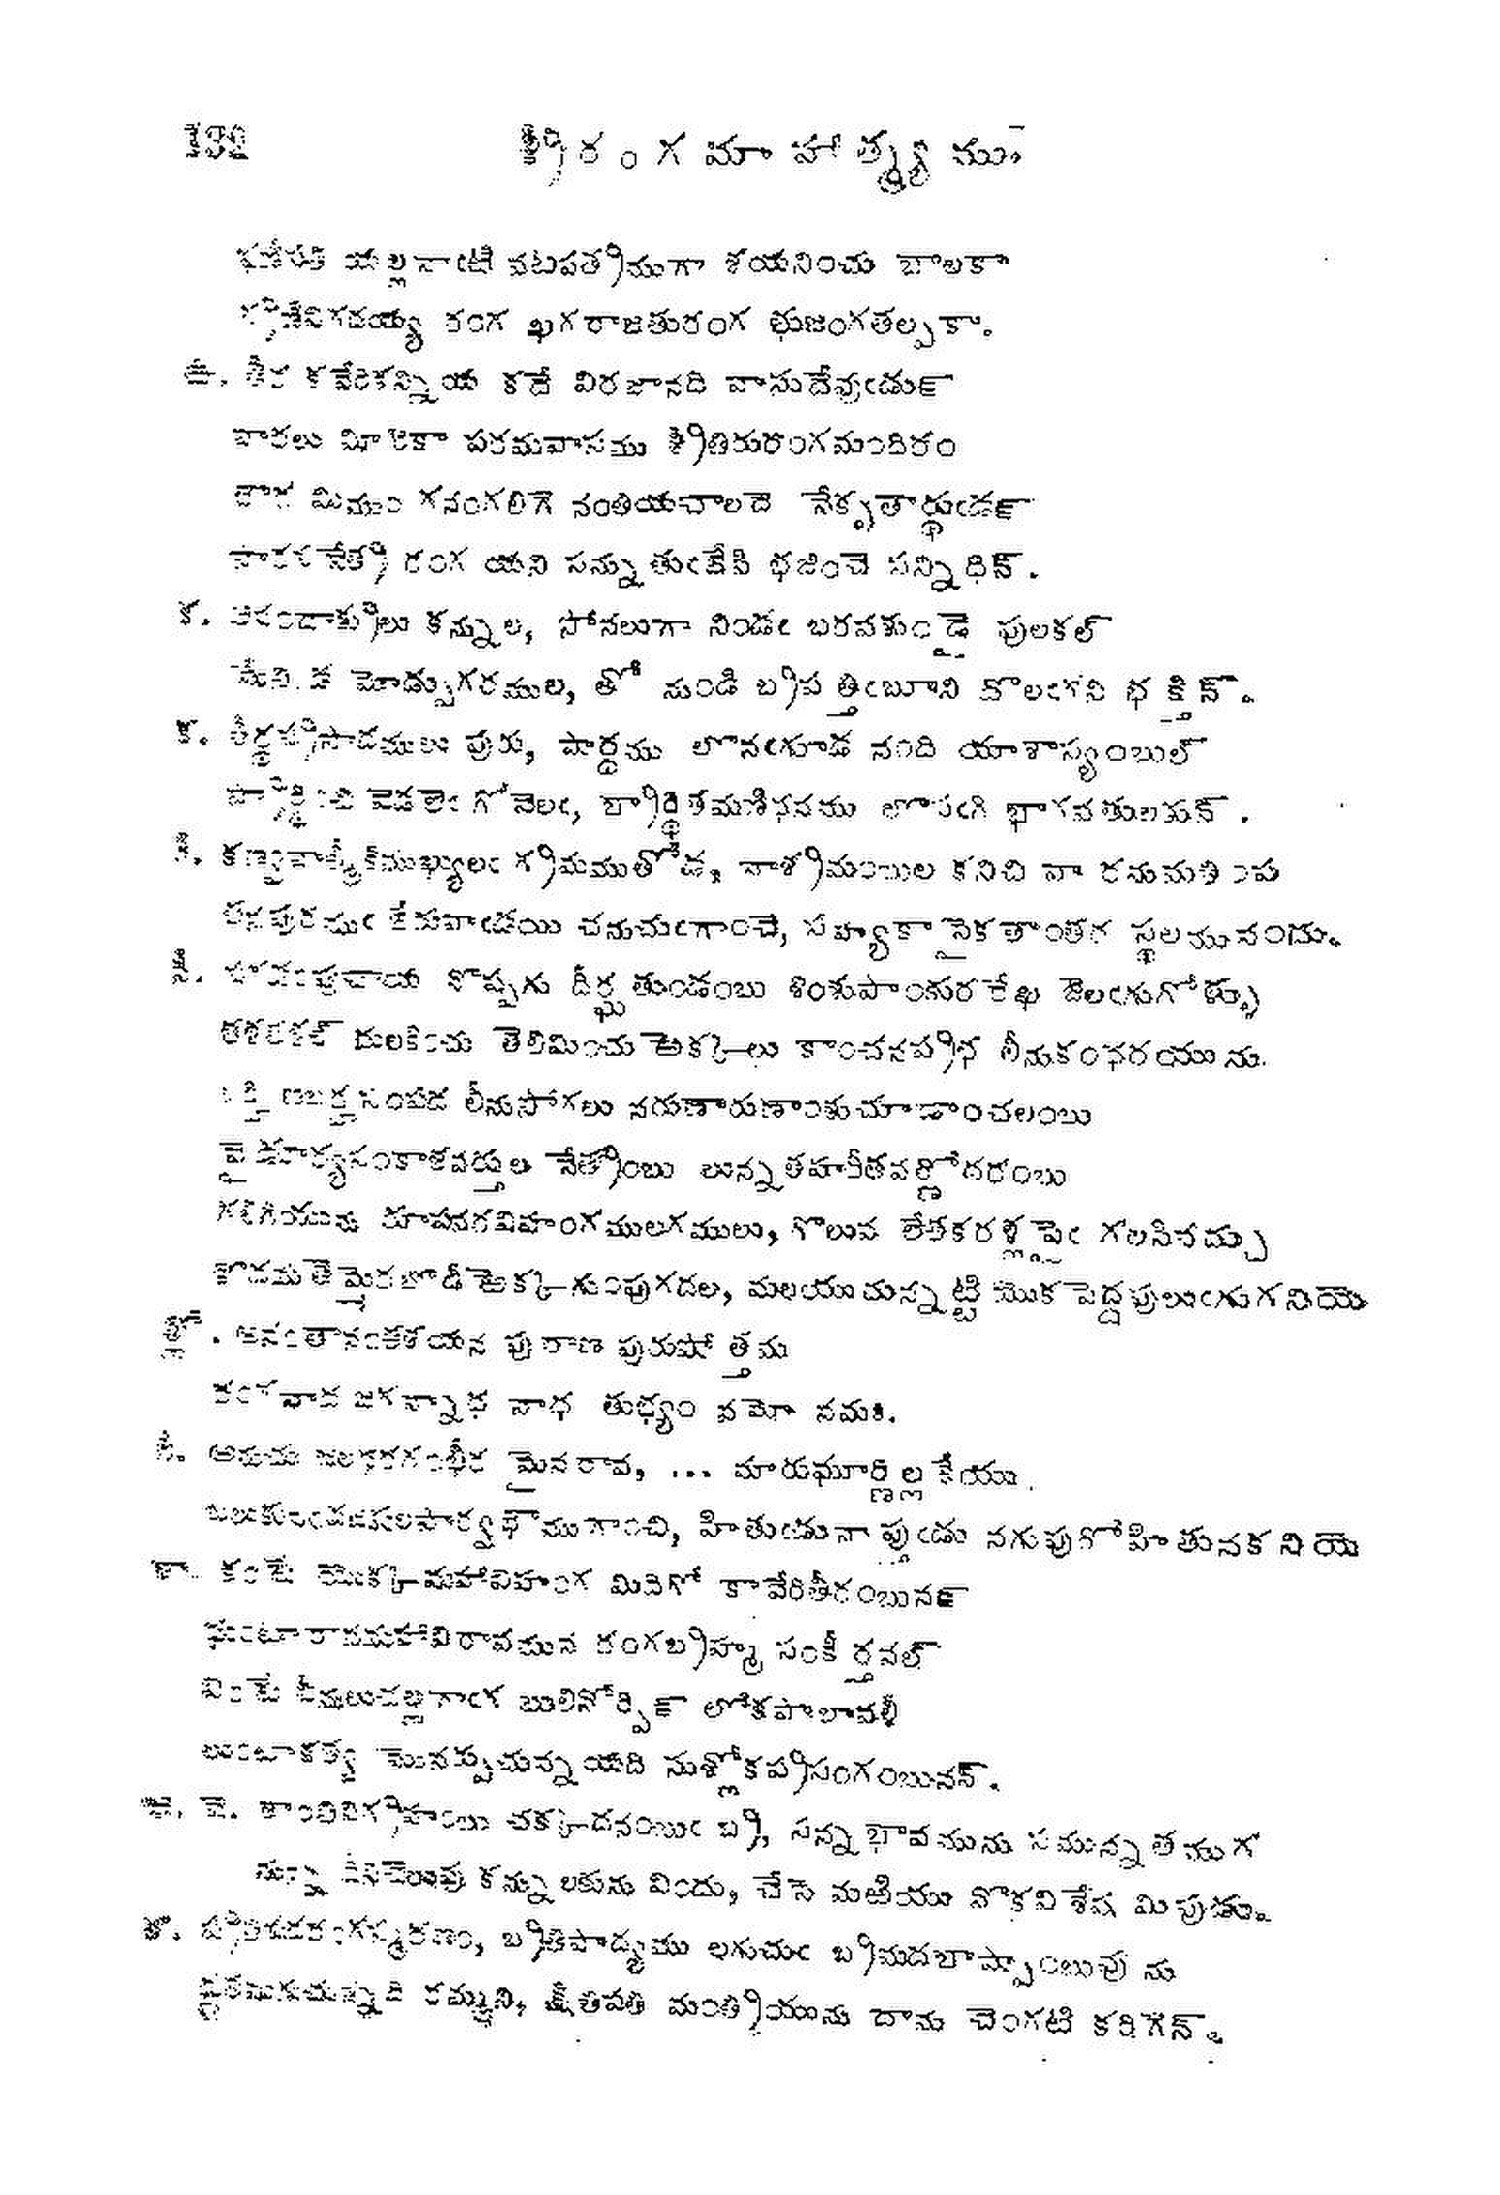ఫణిసతి యల్లనాటి వటపత్రముగా శయనించు బాలకా
 స్రణివి గదయ్య రంగ ఖగరాజతురంగ భుజంగతల్పకా.
ఉ. తీర కవేరికన్నియ కదే విరజానది వాసుదేవుఁడున్
 వారలు మీరెకా పరమవాసము శ్రీతిరురంగమందిరం
 బౌర మిముం గనంగలిగె నంతియ చాలదె నేకృతార్ధుఁడన్
 నారసనేత్ర రంగ యని సన్నుతిఁ జేసి భజించె సన్నిధిన్.
క. ఆనందాశ్రులు కన్నుల, సోనలుగా నిండఁ బరవశుండై పులకల్
 మేనిఁడ మోడ్పుగరముల, తో నుండి బ్రపత్తిఁబూని దొలఁగని భక్తిన్.
క. తీర్థప్రసాదములు పురు, షార్థము లొనఁగూడ నంది యాశాస్యంబుల్
 ప్రార్థించి వెడలెఁ గోవెలఁ, బ్రార్థితమణిధనము లొసఁగి భాగవతులకున్.
గీ. కణ్వవాల్మీకిముఖ్యులఁ గ్రమముతోడ, నాశ్రమంబుల కనిచి వా రనుమతింప
 తనపురముఁ జేరువాఁడయి చనుచుఁగాంచె, సహ్యకాసైకతాంతరస్థలమునందు.
సీ. పగడంపుచాయ నొప్పగు దీర్ఘతుండంబు శింశుపాంకురరేఖ జెలఁగుగోళ్ళు
 తళతళల్ దులకించు తెలిమించుఱెక్కలు కాంచనప్రభ లీనుకంధరయును
 బర్హిణబర్హసంపద లీనుసోగలు నరుణారుణాంశుచూడాంచలంబు
 వైడూర్యసంకాశవర్తుల నేత్రంబు లున్నతహరీతవర్ణోదరంబు
 గలిగియును రూపనరవిహంగములగములు, గొలువ లేతకరళ్లఁ గలసివచ్చు
 కొదమతెమ్మెరబొడిఱెక్కగుంపుగదల, మలయుచున్నట్టి యొకపెద్దపులుఁగు గనియె.
శ్లో. అనంతానంతశయన పురాణ పురుషోత్తమ
 రంగవాడ జగన్నాథ నాథ తుభ్యం నమో నమః.
గీ. అనుచు జలదగంభీర మైనరావ, మెల్లదిక్కులు మారుఘూర్ణిల్లజేయు
 బలుకు నండజకులసార్వభౌము గాంచి, హితుఁడు నాప్తుఁడు నగుపురోహితున కనియె.
శా. కంటే యొక్కమహావిహంగ మిదిగో కావేరితీరంబునన్
 ఘంటారావమహావిరావమున రంగబ్రహ్మసంకీర్తనల్
 వింటే వీనులు చల్లగాఁగ బులినోర్విన్ లోకపాలావళీ
 లుంటాకత్వ మొనర్పుచున్నయది సుశ్లోకప్రసంగంబునన్.
ఆ. శాంతివనిగ్రహంబు చక్కదనంబుఁ బ్ర, సన్నభావమును సమున్నతముగ
 నున్న దీనిచెలువు కన్నులకును విందు, చేసె మఱియు నొకవిశేష మిపుడు.
క. ప్రతిపదరంగస్మరణం, బ్రతిపాద్యము లగుచుఁ బ్రమదబాష్పాంబువు ను
 ద్గతమగుచున్నది రమ్మని, క్షితిపతి మంత్రియును దాను చెంగటి కరిగెన్.